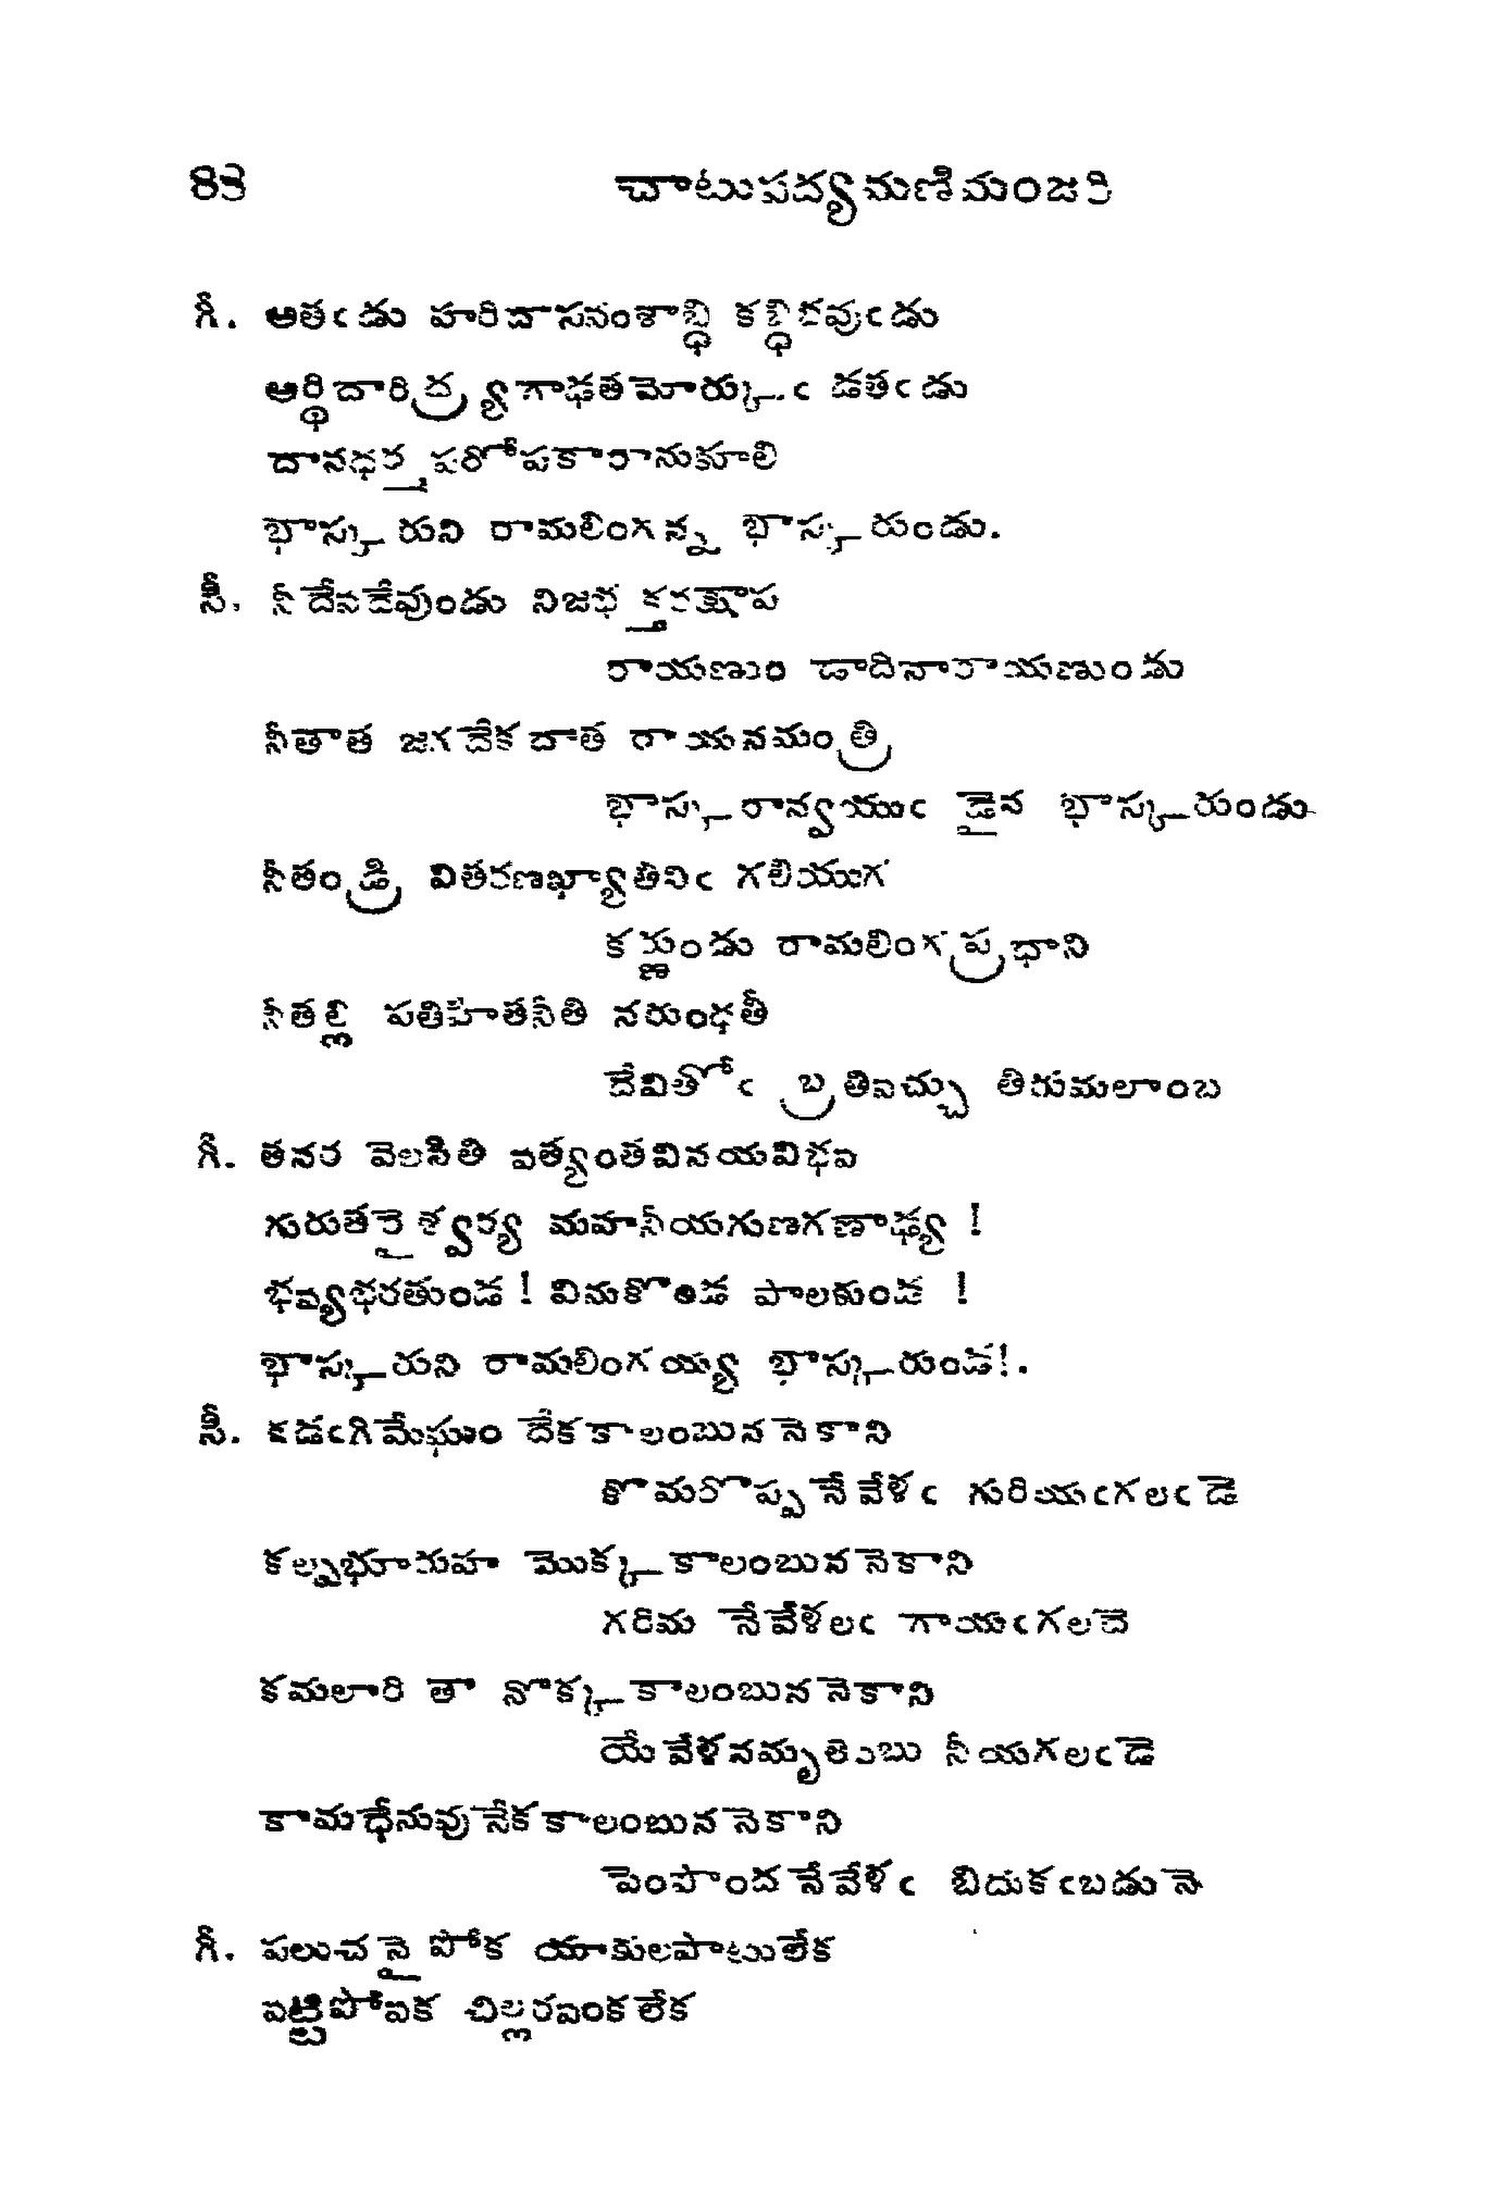గీ. అతఁడు హరిదాసవంశాబ్ధి కబ్ధిభవుఁడు
 అర్థిదారిద్ర్యగాఢతమోర్కుఁ డతఁడు
 దానధర్మపరోపకారానుకూలి
 భాస్కరుని రామలింగన్న భాస్కరుండు.
సీ. నీదేవదేవుండు నిజభక్తరక్షాప
 రాయణుం డాదినారాయణుండు
 నీతాత జగదేకదాత రాయనమంత్రి
 భాస్కరాన్వయుఁ డైన భాస్కరుండు
 నీతండ్రి వితరణఖ్యాతినిఁ గలియుగ
 కర్ణుండు రామలింగప్రధాని
 నీతల్లి పతిహితనీతి నరుంధతీ
 దేవితోఁ బ్రతివచ్చు తిరుమలాంబ
గీ. తనర వెలిసితి వత్యంతవినయవిభవ
 గురుతరైశ్వర్య మహనీయగుణగణాఢ్య!
 భవ్యభరతుండ! వినుకొండ పాలకుండ!
 భాస్కరుని రామలింగయ్య భాస్కరుండ!
సీ. కడఁగి మేఘుం డేకకాలంబుననె కాని
 కొమరొప్ప నేవేళఁ గురియఁగలఁడె
 కల్పభూరుహ మొక్కకాలంబుననె కాని
 గరిమ నేవేళలఁ గాయఁగలదె
 కమలారు తా నొక్కకాలంబుననె కాని
 యేవేల నమృతంబు నీయఁగలఁడె
 కామధేనువు నేకకాలంబుననె కాని
 పెంపొంద నేవేళ బిదుకఁబడునె
గీ. పలుచనై పోక యాకులపాటు లేక
 వట్టిపోవక చిల్లరవంకలేక